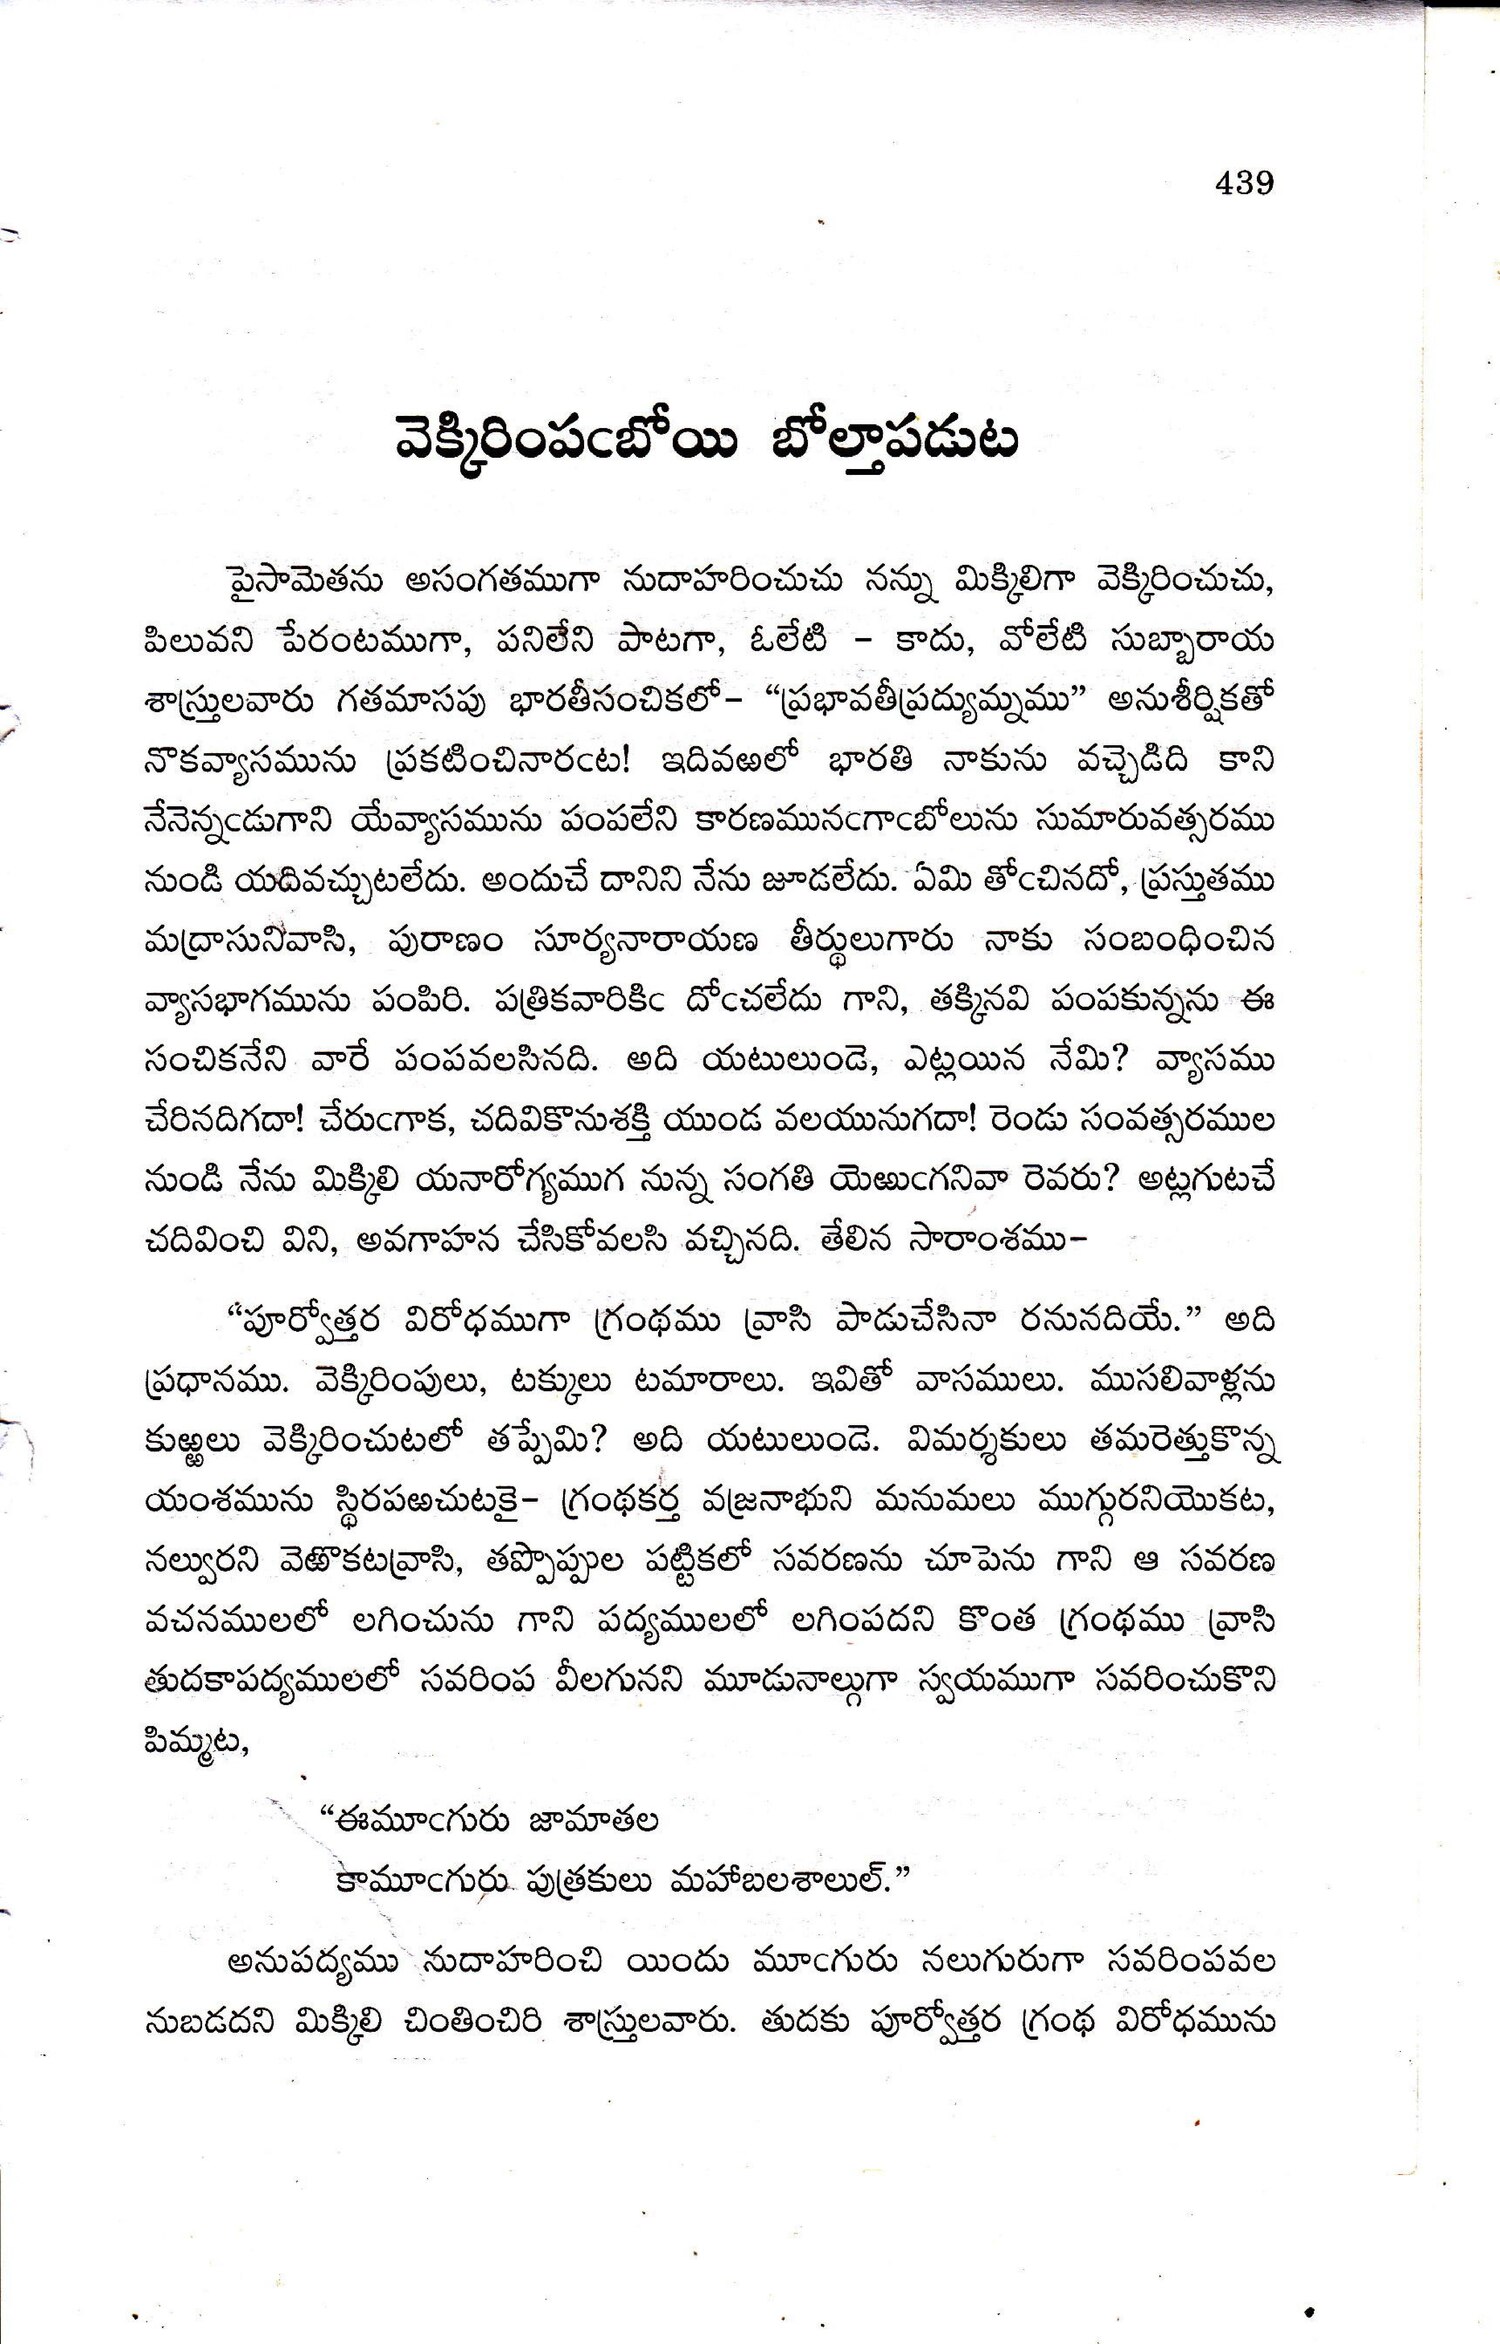వెక్కిరింపఁబోయి బోల్తాపడుట

పైసామెతను అసంగతముగా నుదాహరించుచు నన్ను మిక్కిలిగా వెక్కిరించుచు, పిలువని పేరంటముగా, పనిలేని పాటగా, ఓలేటి - కాదు, వోలేటి సుబ్బారాయ శాస్త్రులవారు గతమాసపు భారతీసంచికలో - "ప్రభావతీప్రద్యుమ్నము" అనుశీర్షికతో నొకవ్యాసమును ప్రకటించినారఁట! ఇదివఱలో భారతి నాకును వచ్చెడిది కాని నేనెన్నఁడుగాని యేవ్యాసమును పంపలేని కారణమునఁగాఁబోలును సుమారువత్సరము నుండి యదివచ్చుటలేదు. అందుచే దానిని నేను జూడలేదు. ఏమి తోఁచినదో, ప్రస్తుతము మద్రాసునివాసి, పురాణం సూర్యనారాయణ తీర్థులుగారు నాకు సంబంధించిన వ్యాసభాగమును పంపిరి. పత్రికవారికిఁ దోఁచలేదు గాని, తక్కినవి పంపకున్నను ఈ సంచికనేని వారే పంపవలసినది. అది యటులుండె, ఎట్లయిన నేమి? వ్యాసము చేరినదిగదా! చేరుఁగాక, చదివికొనుశక్తి యుండ వలయునుగదా! రెండు సంవత్సరముల నుండి నేను మిక్కిలి యనారోగ్యముగ నున్న సంగతి యెఱుఁగనివారెవరు? అట్లగుటచే చదివించి విని, అవగాహన చేసికోవలసి వచ్చినది. తేలిన సారాంశము -

“పూర్వోత్తర విరోధముగా గ్రంథము వ్రాసి పాడుచేసినా రనునదియే." అది ప్రధానము. వెక్కిరింపులు, టక్కులు టమారాలు. ఇవితో వాసములు. ముసలివాళ్లను కుఱ్ఱలు వెక్కిరించుటలో తప్పేమి? అది యటులుండె. విమర్శకులు తమరెత్తుకొన్న యంశమును స్థిరపఱచుటకై- గ్రంథకర్త వజ్రనాభుని మనుమలు ముగ్గురనియొకట, నల్వురని వేఱొకటవ్రాసి, తప్పొప్పుల పట్టికలో సవరణను చూపెను గాని ఆ సవరణ వచనములలో లగించును గాని పద్యములలో లగింపదని కొంత గ్రంథము వ్రాసి తుదకాపద్యములలో సవరింప వీలగునని మూడునాల్గుగా స్వయముగా సవరించుకొని పిమ్మట,

“ఈమూcగురు జామాతల
 కామూగురు పుత్రకులు మహాబలశాలుల్."
అనుపద్యము నుదాహరించి యిందు మూఁగురు నలుగురుగా సవరింపవలనుబడదని మిక్కిలి చింతించిరి శాస్త్రులవారు. తుదకు పూర్వోత్తర గ్రంథ విరోధమును